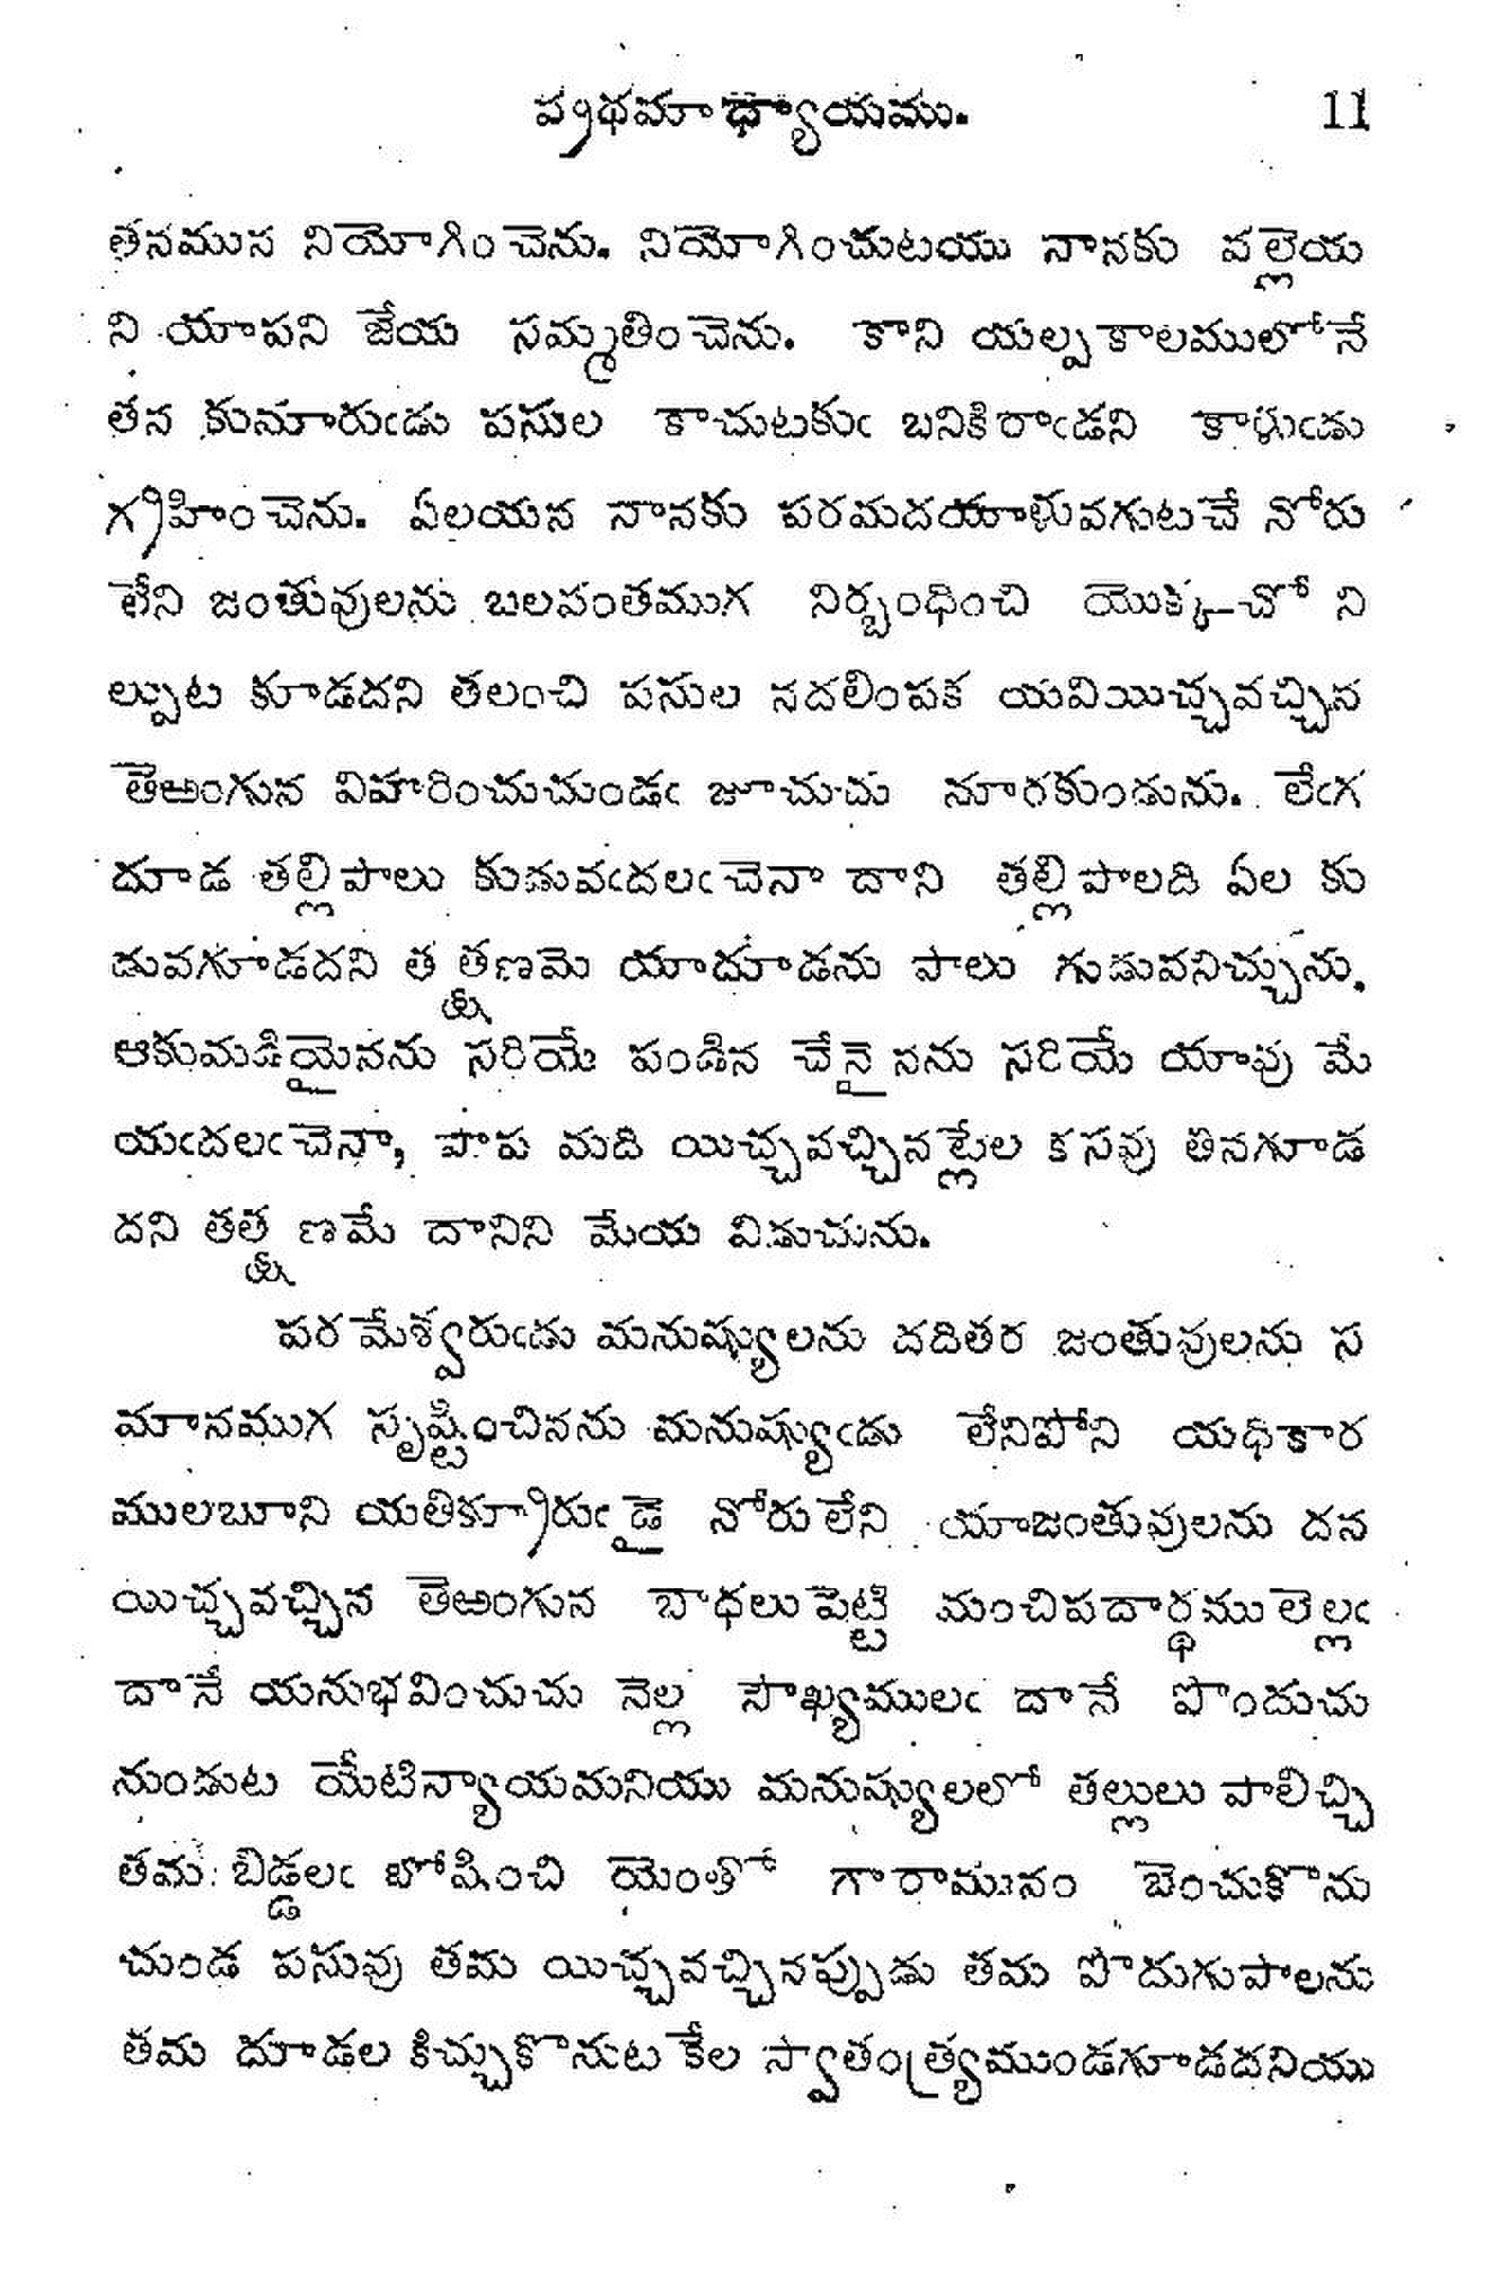తనమున నియోగించెను. నియోగించుటయు నానకు వల్లెయని యాపని జేయ సమ్మతించెను. కాని యల్పకాలములోనే తన కుమారుడు పసుల కాచుటకు బనికిరాడని కాళుడు గ్రహించెను. ఏలయన నానకు పరమదయాళువగుటచే నోరులేని జంతువులను బలవంతముగ నిర్బంధించి యొక్కచో నిల్పుట కూడదని తలంచి పసుల నదలింపక యవియిచ్చవచ్చిన తెఱంగున విహరించుచుండ జూచుచు నూరకుండును. లేగ దూడ తల్లిపాలు కుడుపదలచెనా దాని తల్లిపాలది ఏల కుడువగూడదని తక్షణమె యాదూడను పాలు గుడుపనిచ్చును. ఆకుమడియైనను సరియే పండిన చేనైనను సరియే యావు మేయదలచెనా, పాప మది యిచ్చవచ్చినట్లేల కసవు తినగూడదని తక్షణమే దానిని మేయ విడుచును.

పరమేశ్వరుడు మనుష్యులను దదితర జంతువులను సమానముగ సృష్టించినను మనుష్యుడు లేనిపోని యధికారములబూని యతిక్రూరుడై నోరులేని యాజంతువులను దన యిచ్చవచ్చిన తెఱంగున బాధలుపెట్టి మంచిపదార్థములెల్ల దానే యనుభవించుచు నెల్ల సౌఖ్యముల దానే పొందుచు నుండుట యేటిన్యాయమనియు మనుష్యులలో తల్లులు పాలిచ్చి తమ బిడ్డల బోషించి యెంతో గారామునం బెంచుకొనుచుండ పసువు తమ యిచ్చవచ్చినప్పుడు తమ పొదుగుపాలను తమ దూడల కిచ్చుకొనుట కేల స్వాతంత్ర్యముండగూడదనియు